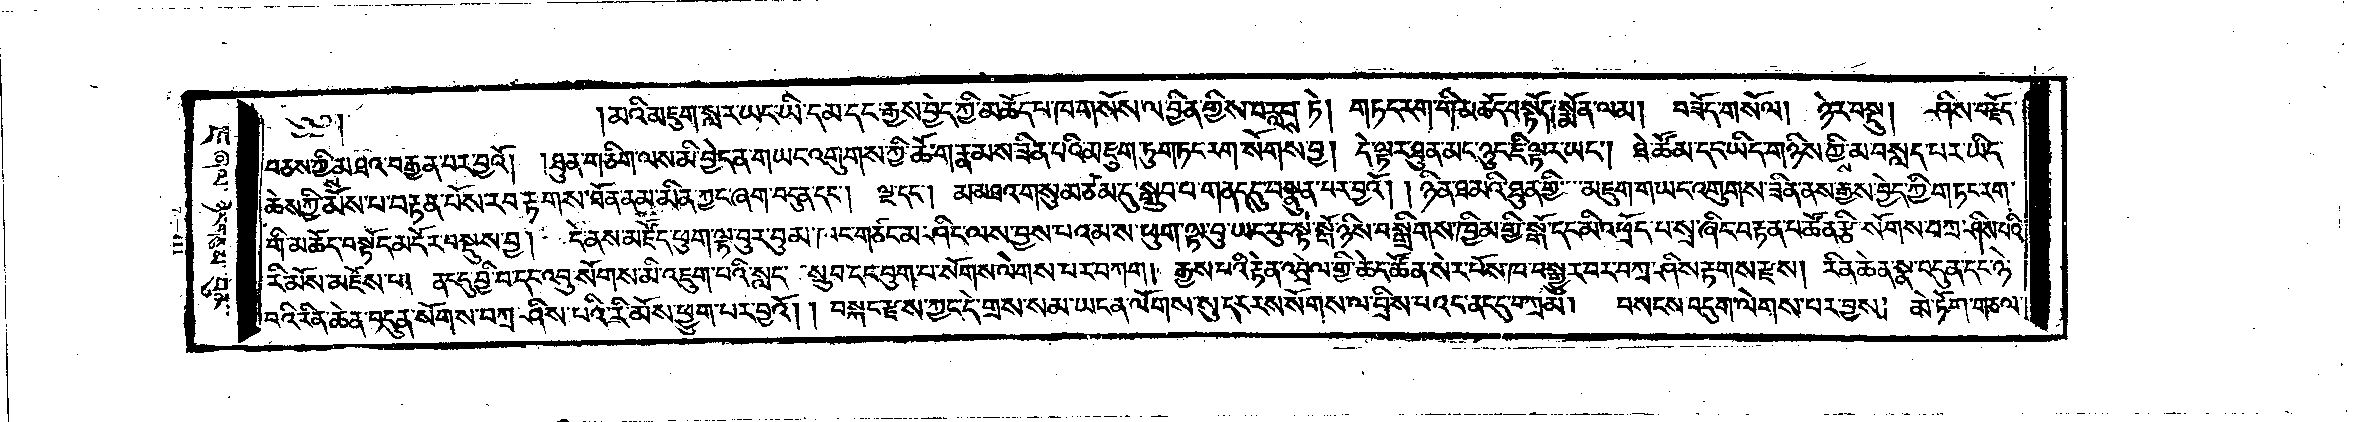༄༅། །མའི་མཇུག་སླར་ཡང་ཡི་དམ་དང་རྒྱས་བྱེད་ཀྱི་མཆོད་པ་ཁ་གསོས་ལ་བྱིན་གྱིས་བརླབས་ཏེ། གཏང་རག་གི་མཆོད་བསྟོད༑ སྨོན་ལམ། བཟོད་གསོལ། ཉེར་བསྡུ། ཤིས་བརྗོད་
བཅས་ཀྱིས་མཐའ་བརྒྱན་པར་བྱའོ། །ཐུན་གཅིག་ལས་མི་བྱེད་ན་གཡང་འགུགས་ཀྱི་ཆོ་ག་རྣམས་ཟིན་པའི་མཇུག་ཏུ་གཏང་རག་སོགས་བྱ། དེ་ལྟར་ཐུན་མང་ཉུང་ཇི་ལྟར་ཡང་། ཐེ་ཚོམ་དང་ཡིད་གཉིས་ཀྱིས་མ་བསླད་པར་ཡིད་
ཆེས་ཀྱི་མོས་པ་བརྟན་པོས་རབ་རྟགས་ཐོན་ནམ་མིན་ཀྱང་ཞག་བདུན་དང་། ལྔ་དང་། མ་མཐའ་གསུམ་ཙམ་དུ་སྒྲུབ་པ་གནད་དུ་བསྣུན་པར་བྱའོ། །ཉིན་ཐ་མའི་ཐུན་གྱི་མཇུག་གཡང་འགུགས་ཟིན་ནས་རྒྱས་བྱེད་ཀྱི་གཏང་རག་
གི་མཆོད་བསྟོད་མདོར་བསྡུས་བྱ། དེ་ནས་མཛོད་ཕུག་ལྟ་བུར་བུམ་ཁང་གཙང་མ་ཤིང་ལས་བྱས་པའམ་ས་ཕུག་ལྟ་བུ་ཡང་རུང་སྟེ་སྒོ་ཉིས་བསྒྲིགས་ཁྱིམ་གྱི་སྒོ་དང་མི་འཕྲོད་པ་སྲ་ཞིང་བརྟན་པ་ཚོན་རྩི་སོགས་བཀྲ་ཤིས་པའི་
རི་མོས་མཛེས་པ། ནང་དུ་བྱི་བ་དང་འབུ་སོགས་མི་འཇུག་པའི་སླད་སྲུབ་དང་བུག་པ་སོགས་ལེགས་པར་བཀག། རྒྱས་པའི་རྟེན་འབྲེལ་གྱི་ཆེད་ཚོན་སེར་པོས་ཁ་བསྒྱུར་བར་བཀྲ་ཤིས་རྟགས་རྫས། རིན་ཆེན་སྣ་བདུན་དང་ཉེ་
བའི་རིན་ཆེན་བདུན་སོགས་བཀྲ་ཤིས་པའི་རི་མོས་ཕྱུག་པར་བྱའོ། །བསྐང་རྫས་ཀྱང་དེ་གྲས་སམ་ཡང་ན་ལོགས་སུ་དར་རས་སོགས་ལ་བྲིས་པའང་ནང་དུ་བཀྲམ། བསངས་བདུག་ལེགས་པར་བྱས། མེ་ཏོག་གཅལ་